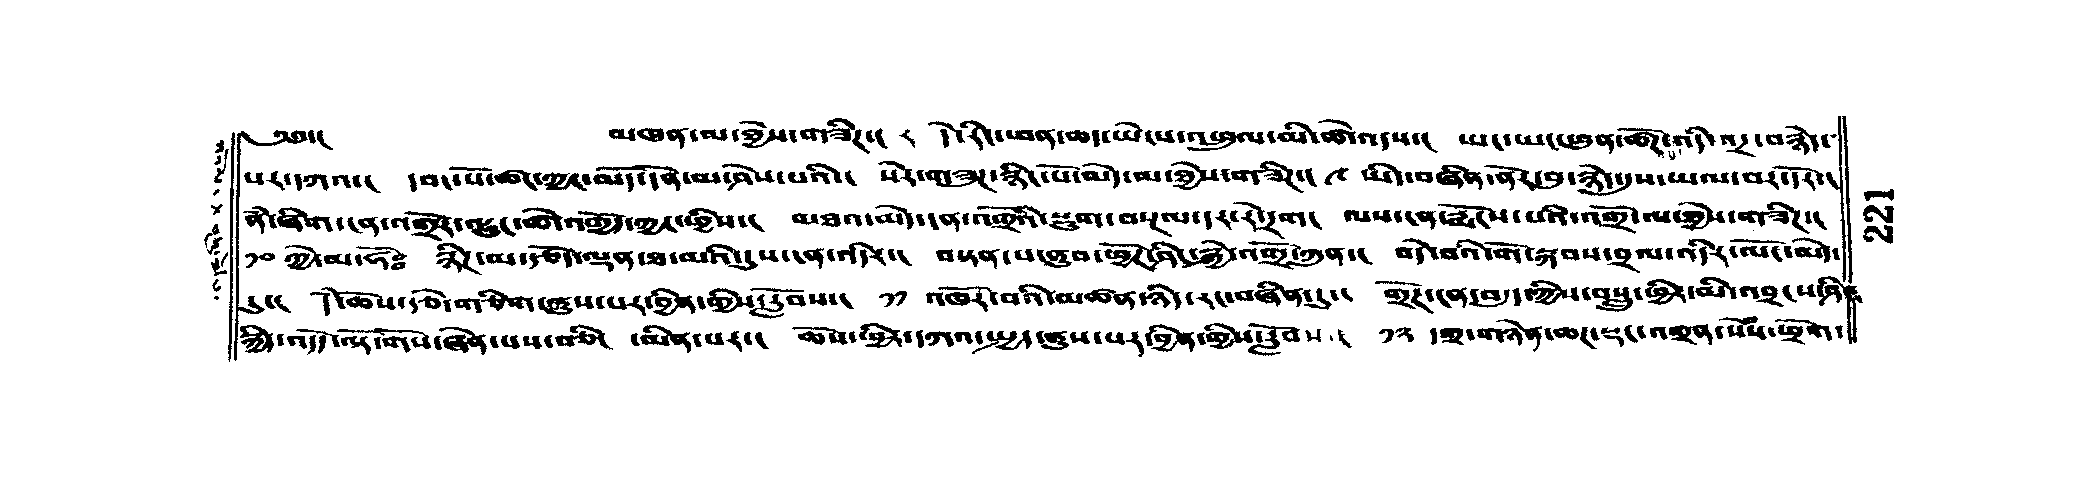མཁན་ལ་ཐུགས་རྗེས་གཟིགས། ༨ །དེ་རིང་ཕན་ཆད་ཡེངས་འཕྲུལ་མི་ཚེ་འདས། །ཡང་ཡང་ཕུན་ཚོགས་འདི་འདྲ་བརྙེད་
པར་དཀའ། །དབང་པོ་ཚང་ཡང་མདོ་དོན་མ་ཤེས་པའི། །སེར་གཟུགས་སྙིང་པོ་མེད་ལ་ཐུགས་རྗེས་གཟིགས། ༩ །ཡིད་བཞིན་ནོར་བུ་རྙེད་དུས་ཡལ་བར་དོར། །
ནམ་ཞིག་ངན་འགྲོར་ལྷུང་ཚེ་འགྱོད་ཀྱང་ཕྱིས། །མཐའ་མེད་ངན་འགྲོའི་སྡུག་བསྔལ་དར་རེ་དྲག །ལས་ངན་རྨོངས་པའི་འགྲོ་ལ་ཐུགས་རྗེས་གཟིགས། 
༡༠ ཀྱེ་མ་ཧོཿ །སྙིགས་མ་རྩོད་ལྡན་ཐ་མའི་དུས་ངན་འདིར། །བསྟན་པ་ནུབ་རིར་ཕྱོགས་ཤིང་སྐྱེ་འགྲོ་ཀུན། །བདེ་བའི་གོ་སྐབས་བྲལ་འདིར་ལོང་མེད་
དུ། །དམ་ཆོས་རྩེ་གཅིག་ནུས་པར་བྱིན་གྱིས་རློབས། ༡༡ །འཁོར་བའི་མཚན་ཉིད་རང་གི་རིག་བཞིན་དུ། །གྲོགས་ངན་བདུད་ཀྱིས་བསླུ་ཕྱིར་མི་འབྲངས་ཤིང་། །
སྐྱིད་འདོད་ལྟོ་གོས་ཞེན་པས་བཅིང་མིན་པར། །ཆོས་ཕྱིར་དཀའ་སྤྱད་ནུས་པར་བྱིན་གྱིས་རློབས། ༡༢ །དགྲ་གཉེན་ཆགས་སྡང་འགྲན་སེམས་ཕྲག་དོག་